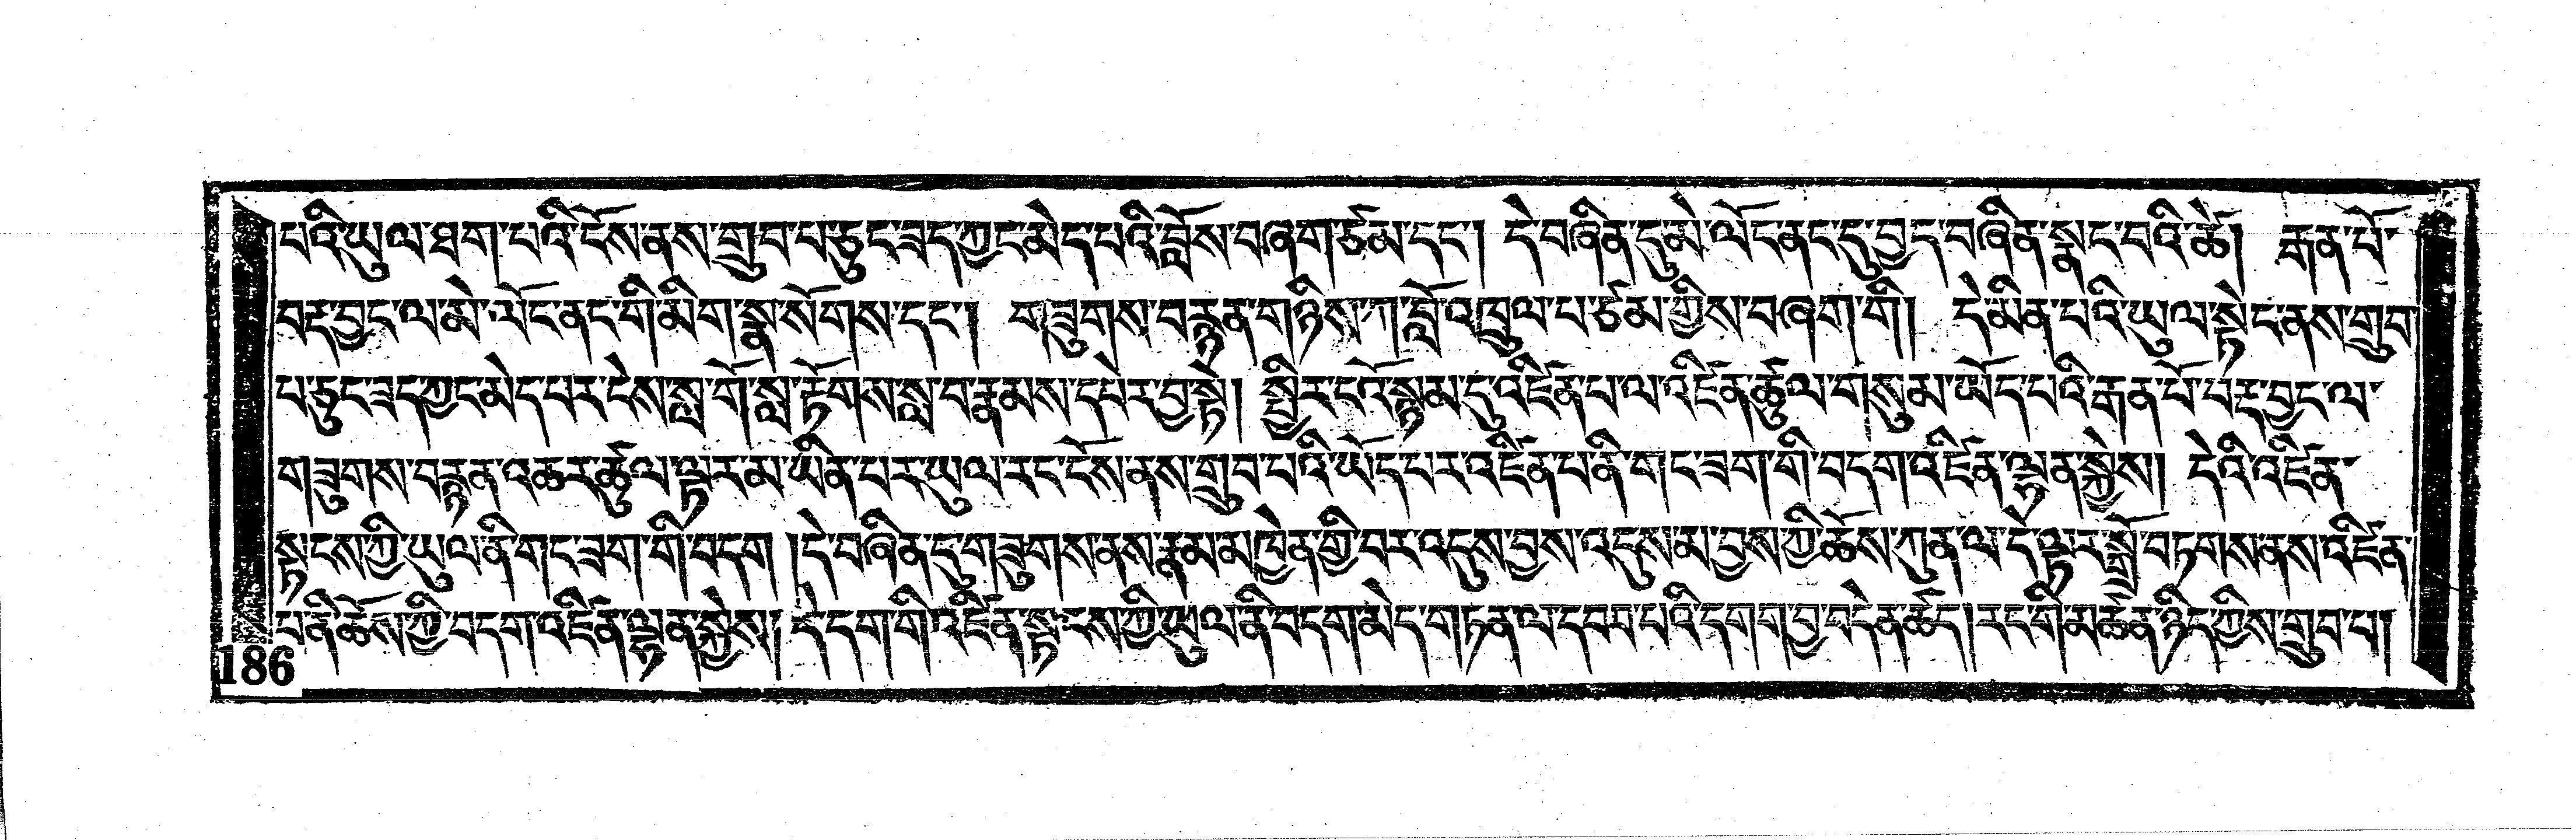པའི་ཡུལ་ཐག་པའི་ངོས་ནས་གྲུབ་པ་ཅུང་ཟད་ཀྱང་མེད་པའི་བློས་བཞག་ཙམ་དང་། དེ་བཞིན་དུ་མེ་ལོང་ནང་དུ་བྱད་བཞིན་སྣང་བའི་ཚེ། རྒན་པོ་
བརྡ་བྱང་ལ་མེ་ལོང་ནང་གི་མིག་སྣ་སོགས་དང་། གཟུགས་བརྙན་གཉིས་ཀ་བློ་འཁྲུལ་པ་ཙམ་གྱིས་བཞག་གི །དེ་མིན་པའི་ཡུལ་སྟེང་ནས་གྲུབ་
པ་ཅུང་ཟད་ཀྱང་མེད་པར་ངེས་སླ་གོ་སླ་རྟོགས་སླ་བ་རྣམས་དཔེར་བྱ་སྟེ། སྤྱིར་ངའོ་སྙམ་དུ་འཛིན་པ་ལ་འཛིན་ཚུལ་གསུམ་ཡོད་པའི་རྒན་པོ་བརྡ་བྱང་ལ་
གཟུགས་བརྙན་འཆར་ཚུལ་ལྟར་མ་ཡིན་པར་ཡུལ་རང་ངོས་ནས་གྲུབ་པའི་ཡོད་པར་འཛིན་པ་ནི་གང་ཟག་གི་བདག་འཛིན་ལྷན་སྐྱེས། དེའི་འཛིན་
སྟངས་ཀྱི་ཡུལ་ནི་གང་ཟག་གི་བདག །དེ་བཞིན་དུ་གཟུགས་ནས་རྣམ་མཁྱེན་གྱི་བར་འདུས་བྱས་འདུས་མ་བྱས་ཀྱི་ཆོས་ཀུན་ལ་དེ་ལྟར་སྒྲོ་བཏགས་ནས་འཛིན་
པ་ནི་ཆོས་ཀྱི་བདག་འཛིན་ལྷན་སྐྱེས། དེ་དག་གི་འཛིན་སྟངས་ཀྱི་ཡུལ་ནི་བདག་མེད་གཏན་ལ་དབབ་པའི་དགག་བྱ་བདེན་ཚད། རང་གི་མཚན་ཉིད་ཀྱིས་གྲུབ་པ།